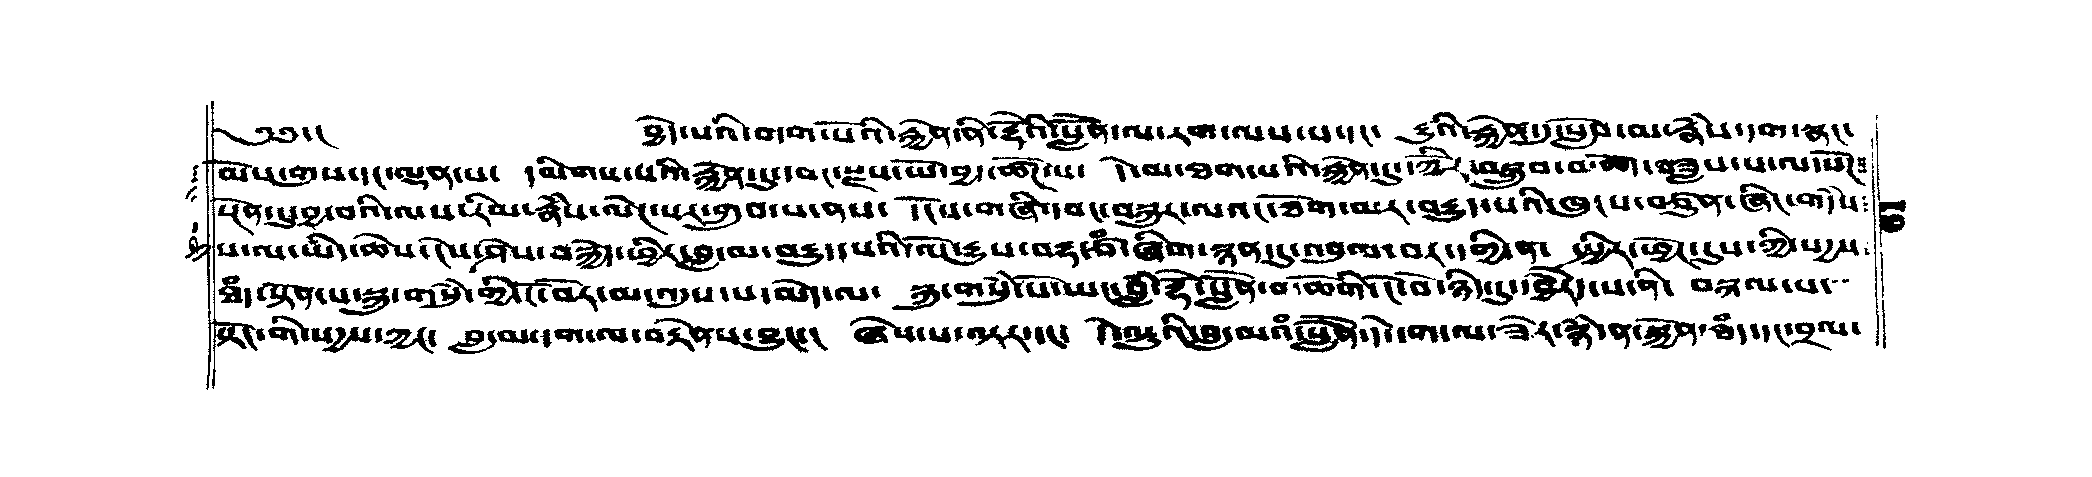བྱེད་པའི་བདག་པོའི་རྐྱེན་ནི་རྡོ་རྗེའི་སློབ་དཔོན་ལ་རག་ལས་པ་དང་། རྒྱུའི་རྐྱེན་དུ་སློབ་མ་རྣམས་དག་སྣང་
མོས་གུས་དང་ལྡན་པ། དམིགས་པའི་རྐྱེན་དུ་དབང་རྫས་ཡོ་བྱད་ཚོགས་པ། དེ་མ་ཐག་པའི་རྐྱེན་དུ་དཀྱིལ་འཁོར་བསྒྲུབ་མཆོད་བཟླས་པ་ལ་སོགས་
སྔོན་དུ་བྱ་བའི་ལས་རིམ་རྣམས་ལེགས་པར་གྲུབ་པ་ནས། དངོས་གཞི་དབང་བསྐུར་ལའང་ཐོག་མར་བརྒྱུད་པའི་ཁུངས་བཙུན་ཞིང་གདམས་
པ་ལ་ཡིད་ཆེས་ངེས་ཤེས་བསྐྱེད་ཕྱིར་བླ་མ་བརྒྱུད་པའི་ལོ་རྒྱུས་བརྡ་ཙམ་ཞིག་སྙན་སྙན་དུ་འབུལ་བར་འགྱིད་ན། སྤྱིར་ཕྱོགས་དུས་ཀྱི་སངས་རྒྱས་
ཐམས་ཅད་སྟོན་པ་སྐུ་གསུམ་གྱི་ངོ་བོར་མ་འདུས་པ་མེད་པ། སྐུ་གསུམ་པོ་ཡང་བླ་མ་རྡོ་རྗེ་སློབ་དཔོན་མཆོག་གི་ངོ་བོ་ཉིད་དུ་དབྱེར་མེད་པ་ནི། བསྐལ་པ་
སྟོང་གི་སངས་རྒྱས་ཀྱང་། བླ་མ་དག་ལ་བརྟེན་ནས་བྱུང་། །ཞེས་པ་ལྟར་དང་། དེ་ལྟ་བུའི་བླ་མའམ་སློབ་དཔོན་དེ་དག་ལ་ཟེར་སྙམ་ན་ཐམས་ཅད་དང་བྲལ་